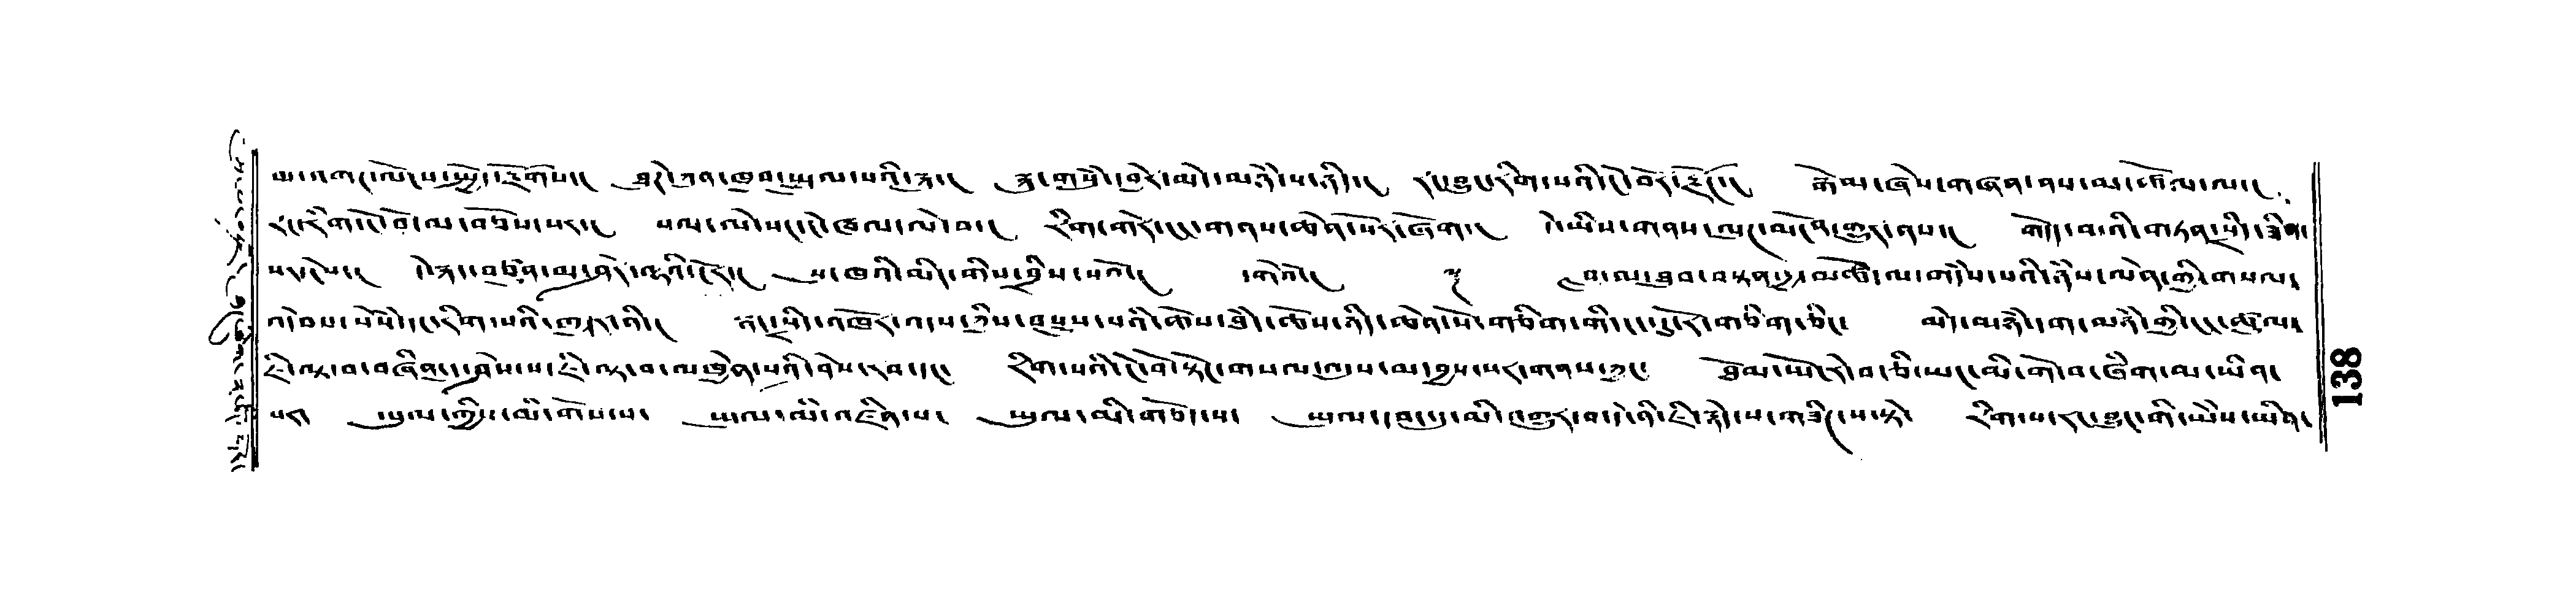མ་འགགས་ལོངས་སྤྱོད་རྫོགས། །ཐུགས་རྗེ་ཀུན་ཁྱབ་སྤྲུལ་པའི་སྐུ། །སྐུ་གསུམ་དབྱེར་མེད་མཉམ་པ་ཉིད། །རང་བྱུང་རིག་པའི་ངོ་བོར་རྫོགས། །སྒོམ་ཞེས་གཞན་ནས་མ་ཚོལ་ལ། །
རང་རིག་ངོ་བོ་མ་བཅོས་པར། །སལ་ལེ་སང་ངེ་ཝལ་ལེ་བ། །རིག་གེར་ངང་གནས་ཆེན་པོར་ཞོག །དེ་ཡིས་གནས་ལུགས་མངོན་གྱུར་ནས། །གདོད་མའི་གཏན་སྲིད་ཟིན་
པར་ངེས། །དེ་སྐད་བཙུན་མ་ཤེར་ལྷའི་ངོར། །སུ་ཁའི་མིང་གིས་བྲིས་པའོ།།དགེའོ།། ༈ བླ་མ་ཐུབ་བསྟན་རྒྱ་མཚོ་ལ་གདམས་པའི་ཉམས་ལེན་གྱི་གསལ་
འདེབས་སེམས་དང་རིག་པའི་ཁྱད་པར་ནི། སྣང་སྲིད་འཁོར་འདས་ཀྱིས་བསྡུས་པའི་ཆོས་ཐམས་ཅད་ཆོས་ཉིད་ཆེན་པོ་གཅིག་གི་ངང་རོ་གཅིག་ཅིང་། མེད་མཉམ་དག་མཉམ་གྱི་ངང་ཚུལ་
ཇི་ལྟ་བ་བཞིན་དུ་ཤེས་པ་ཇི་ལྟ་བ་མཁྱེན་པའི་ཤེས་རབ་དང་། རིག་པའི་ངོ་བོ་སྟོང་གསལ་འདུས་མ་བྱས་པར་གནས་ཀྱང་། ཐོམ་ཡོ་རེ་བ་ཅི་ཡང་མི་གོ་བ་ཞིག་མ་ཡིན་
པར། ཡུལ་གྱིས་མི་གོས་པ། ཡུལ་མི་འཛིན་པ། ཡུལ་མི་གཅོད་པ། ཡུལ་དབང་དུ་མི་འགྱུར་བ་དེ་ནི་ཇི་སྙེད་པ་གཟིགས་པ་སྟེ། རིག་པ་རང་བྱུང་གི་ཡེ་ཤེས་ཡིན་